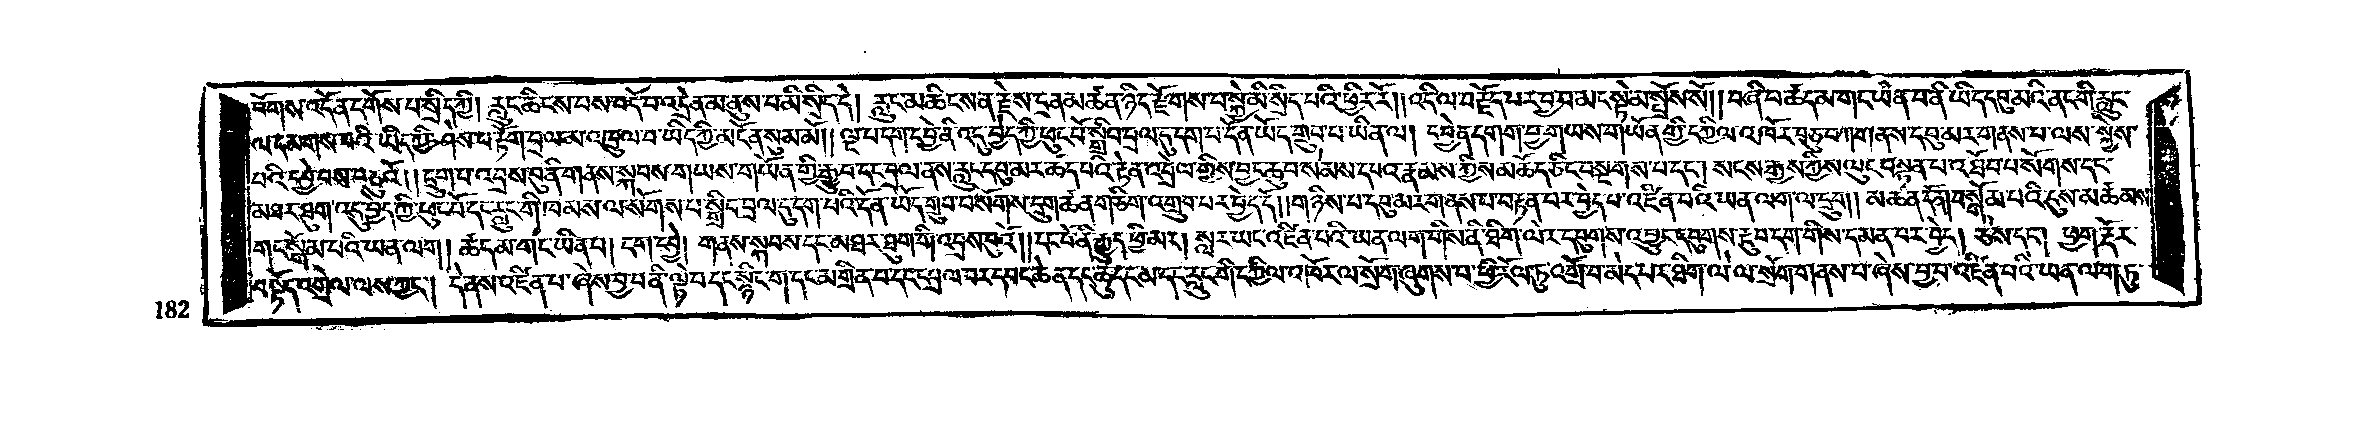པོགས་འདོན་དགོས་པ་སྲིད་ཀྱི། རླུང་ཆིངས་པས་བདོ་བ་འདྲེན་མ་ནུས་པ་མི་སྲིད་དེ། རླུང་མཆིངས་ན་རྗེས་དྲན་མཚན་ཉིད་རྫོགས་པ་སྐྱེ་མི་སྲིད་པའི་ཕྱིར་རོ། །འདི་ལ་བརྗོད་པར་བྱ་བ་མང་སྟེ་མ་སྤྲོས་སོ། །བཞི་པ་ཚད་མ་གང་ཡིན་པ་ནི་ཡིད་དབུ་མའི་ནང་གི་རླུང་
ལ་དམིགས་པའི་ཡིད་ཀྱི་ཤེས་པ་རྟོག་བྲལ་མ་འཁྲུལ་བ་ཡིད་ཀྱི་མངོན་སུམ་མོ། །ལྔ་པ་དག་དབྱེ་ནི་འདུ་བྱེད་ཀྱི་ཕུང་པོ་སྒྲིབ་བྲལ་དུ་དག་པ་དོན་ཡོད་གྲུབ་པ་ཡིན་ལ། དབྱེ་ན་དགག་བྱ་གཡས་གཡོན་གྱི་དཀྱིལ་འཁོར་བཅུ་བཀག་ནས་དབུ་མར་གནས་པ་ལས་སྐྱེས་
པའི་དབྱེ་བས་བཅུའོ། །དྲུག་པ་འབྲས་བུ་ནི་གནས་སྐབས་གཡས་གཡོན་གྱི་རྒྱུ་བ་དང་བྲལ་ནས་རླུང་དབུ་མར་ཚད་པའི་རྟེན་འབྲེལ་གྱིས་བྱང་ཆུབ་སེམས་དཔའ་རྣམས་ཀྱིས་མཆོད་ཅིང་བསྔགས་པ་དང་། སངས་རྒྱས་ཀྱིས་ལུང་བསྟན་པ་འཐོབ་པ་སོགས་དང་
མཐར་ཐུག་འདུ་བྱེད་ཀྱི་ཕུང་པོ་དང་རླུང་གི་ཁམས་ལ་སོགས་པ་སྒྲིབ་བྲལ་དུ་དག་པའི་དོན་ཡོད་གྲུབ་པ་སོགས་དྲུག་ཚན་གཅིག་འགྲུབ་པར་བྱེད་དོ། །གཉིས་པ་དབུ་མར་གནས་པ་བརྟན་པར་བྱེད་པ་འཛིན་པའི་ཡན་ལག་ལ་དྲུག །མཚན་དོན། བསྒོམ་པའི་དུས་མཚམས་
གང་སྒོམ་པའི་ཡན་ལག །ཚད་མ་གང་ཡིན་པ། ངག་དབྱེ། གནས་སྐབས་དང་མཐར་ཐུག་གི་འབྲས་བུའོ། །དང་པོ་ནི་རྒྱུད་ཕྱི་མར། སླར་ཡང་འཛིན་པའི་ཡན་ལག་གིས་ནི་ཐིག་ལེར་དབུགས་འབྱུང་དབུགས་རྡུ་བ་དག་གིས་དམན་པར་བྱེད། ཅེས་དང་། ཕྱག་རྡོར་
བསྟོད་འགྲེལ་ལས་ཀྱང་། དེ་ནས་འཛིན་པ་ཞེས་བྱ་བ་ནི་ལྟེ་བ་དང་སྙིང་ག་དང་མགྲིན་པ་དང་དཔྲལ་བར་དབང་ཆེན་དང་ཆུ་དང་མེ་དང་རླུང་གི་དཀྱིལ་འཁོར་ལ་སྲོག་ཞུགས་པ་ཕྱི་རོལ་ཏུ་འགྲོ་བ་མེད་པར་ཐིག་ལེ་ལ་སྲོག་གནས་པ་ཞེས་བྱ་བ་འཛིན་པའི་ཡན་ལག་ཏུ་